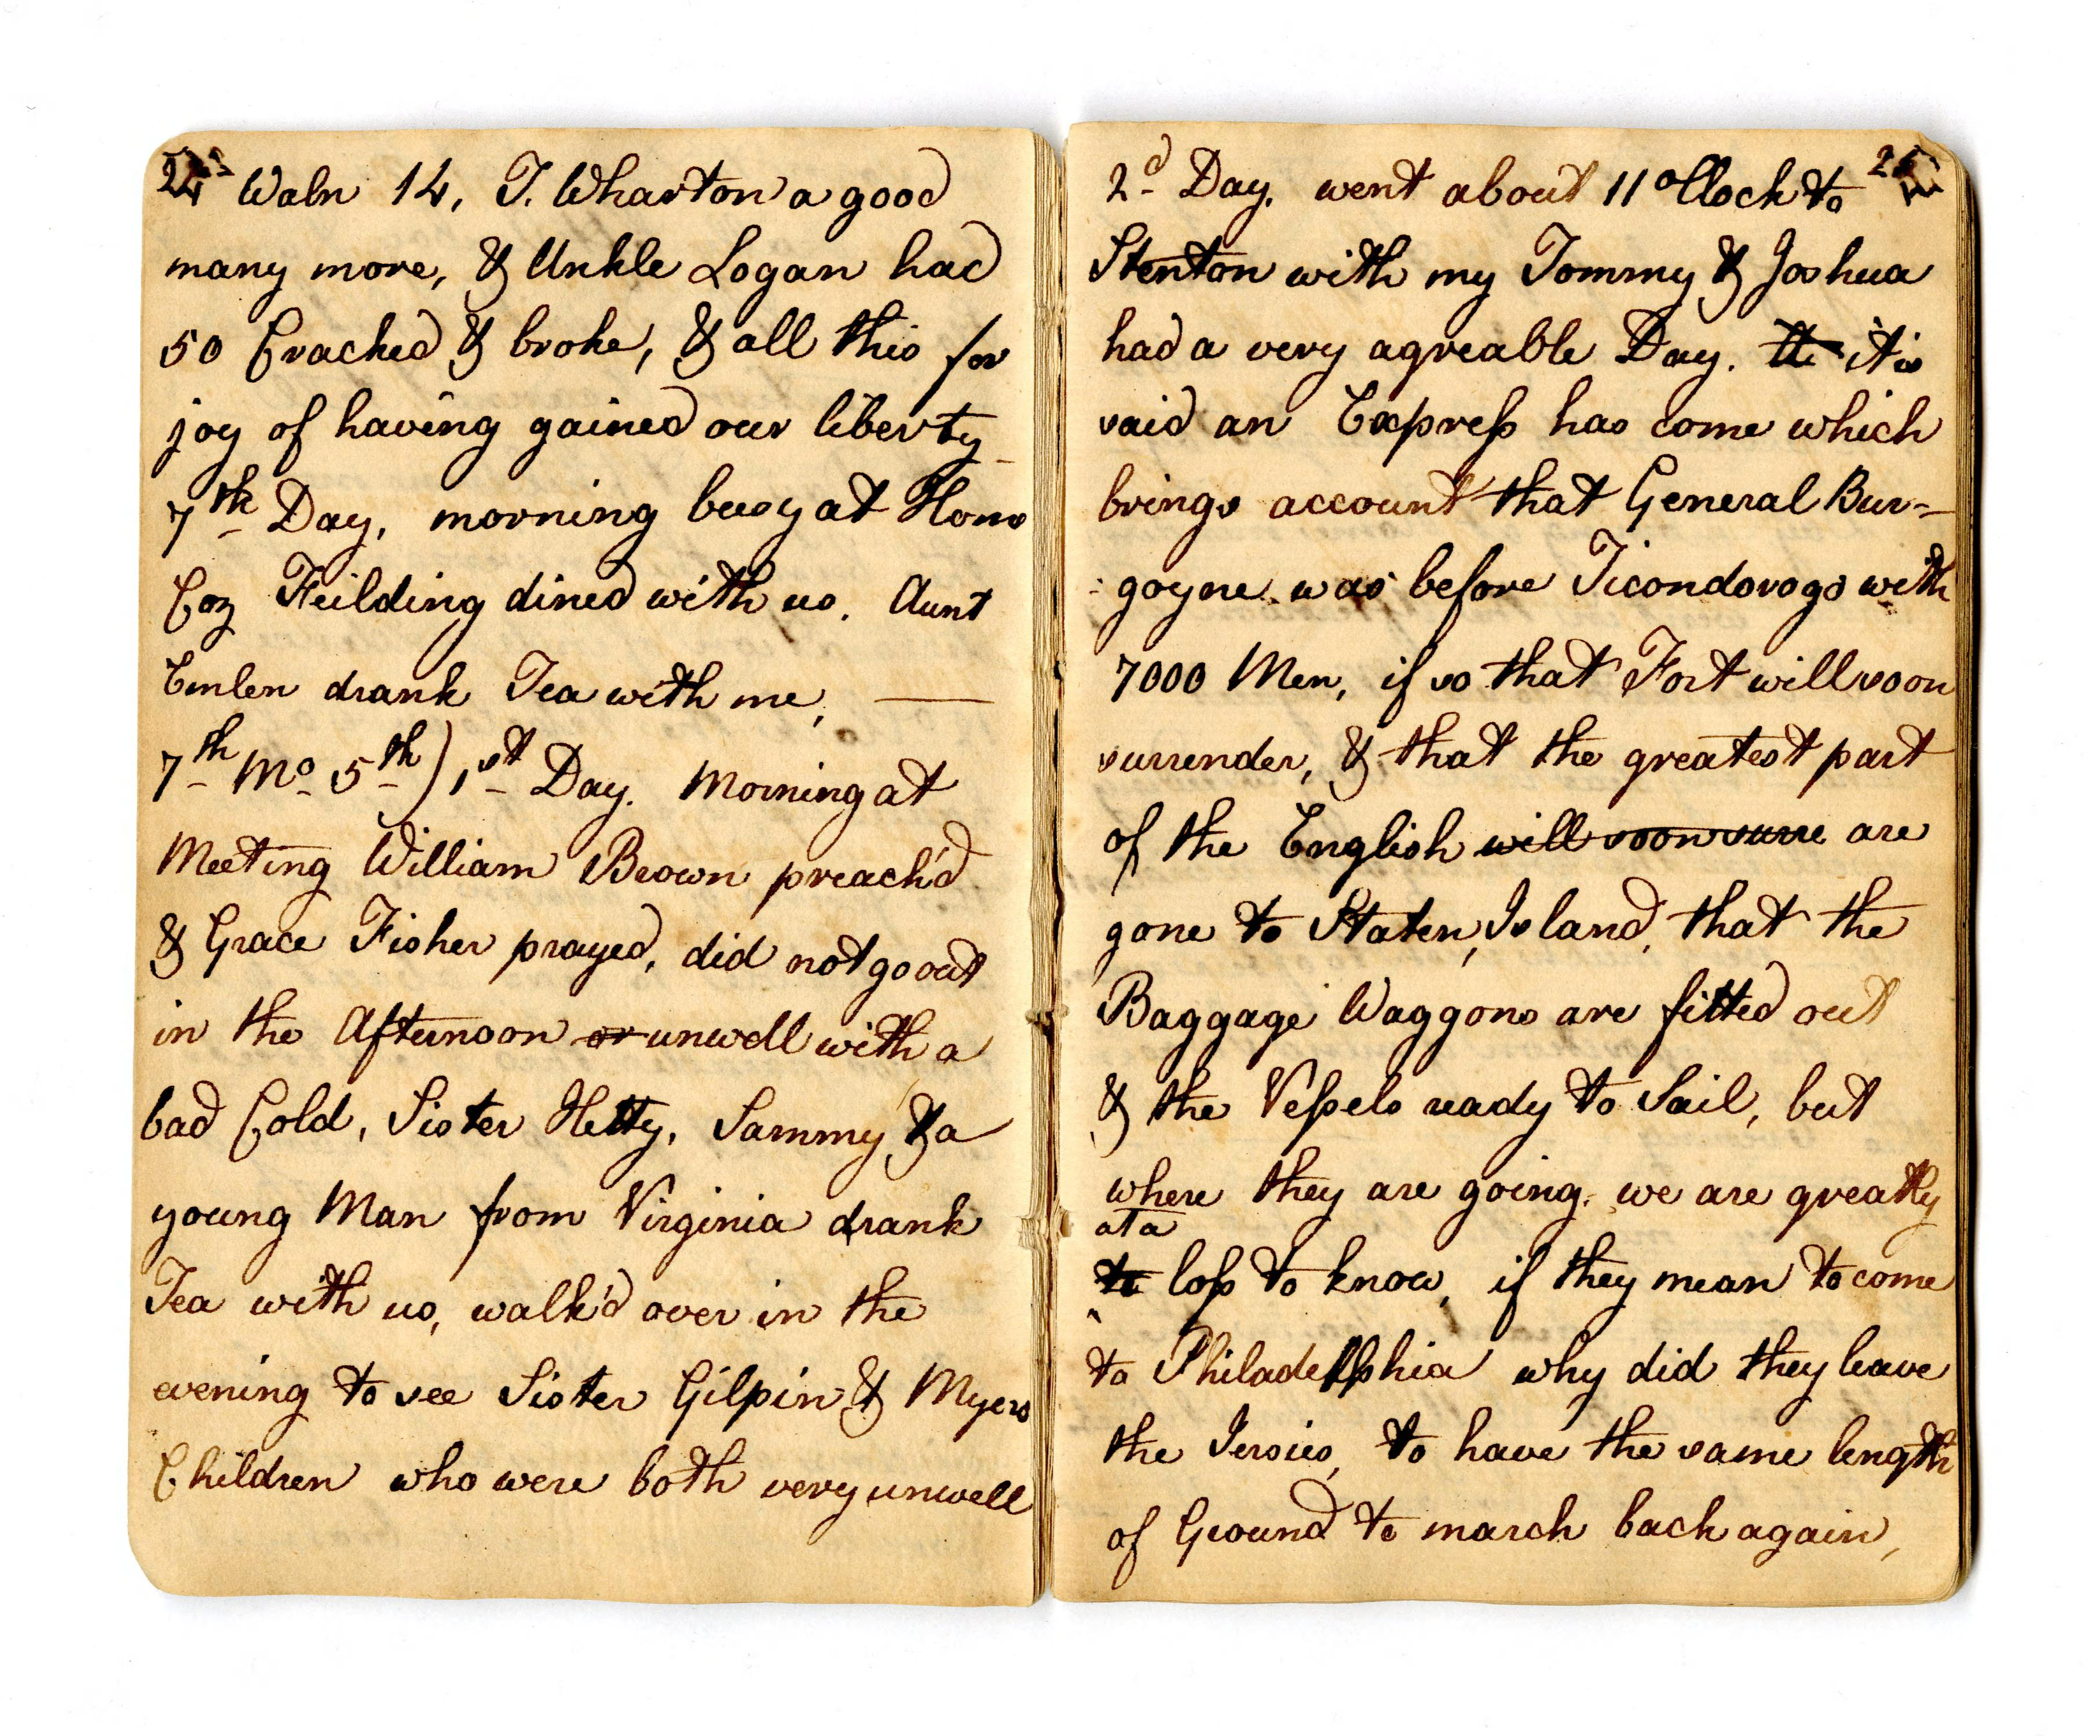Waln 14, T. Wharton a good
many more, & Unkle Logan had
50 Cracked & broke, & all this for
joy of having gained our liberty
7^th Day. morning busy at Home
Coz Feilding dined with us. Aunt
Emlen drank Tea with me,-
7^th M^o 5^th ) 1^st Day. Morning at
Meeting William Brown preach'd
& Grace Fisher prayed, did not go out
in the Afternoon [or] unwell with a
bad Cold, Sister Hetty, Sammy & a
young Man from Virginia drank
Tea with us, walk'd over in the
evening to see Sister Gilpin & Myers
Children who were both very unwell
2^d Day. went about 11 ^o Clock to
Stenton with my Tommy & Joshua
had a very agreable Day. [A] it is
said an Express has come which
brings account that General Bur-
-goyne was before Ticondoroga with
7000 Men, if so that Fort will soon
surrender, & that the greatest part
of the English [will soon surre] are
gone to Staten Island, that the
Baggage Waggon are fitted out
& the Vessels ready to Sail, but
where they are going. we are greatly
at a
^ [to] loss to know, if they mean to come
to Philadelphia why did they leave
the Jersies, to have the same length
of Ground to march back again,